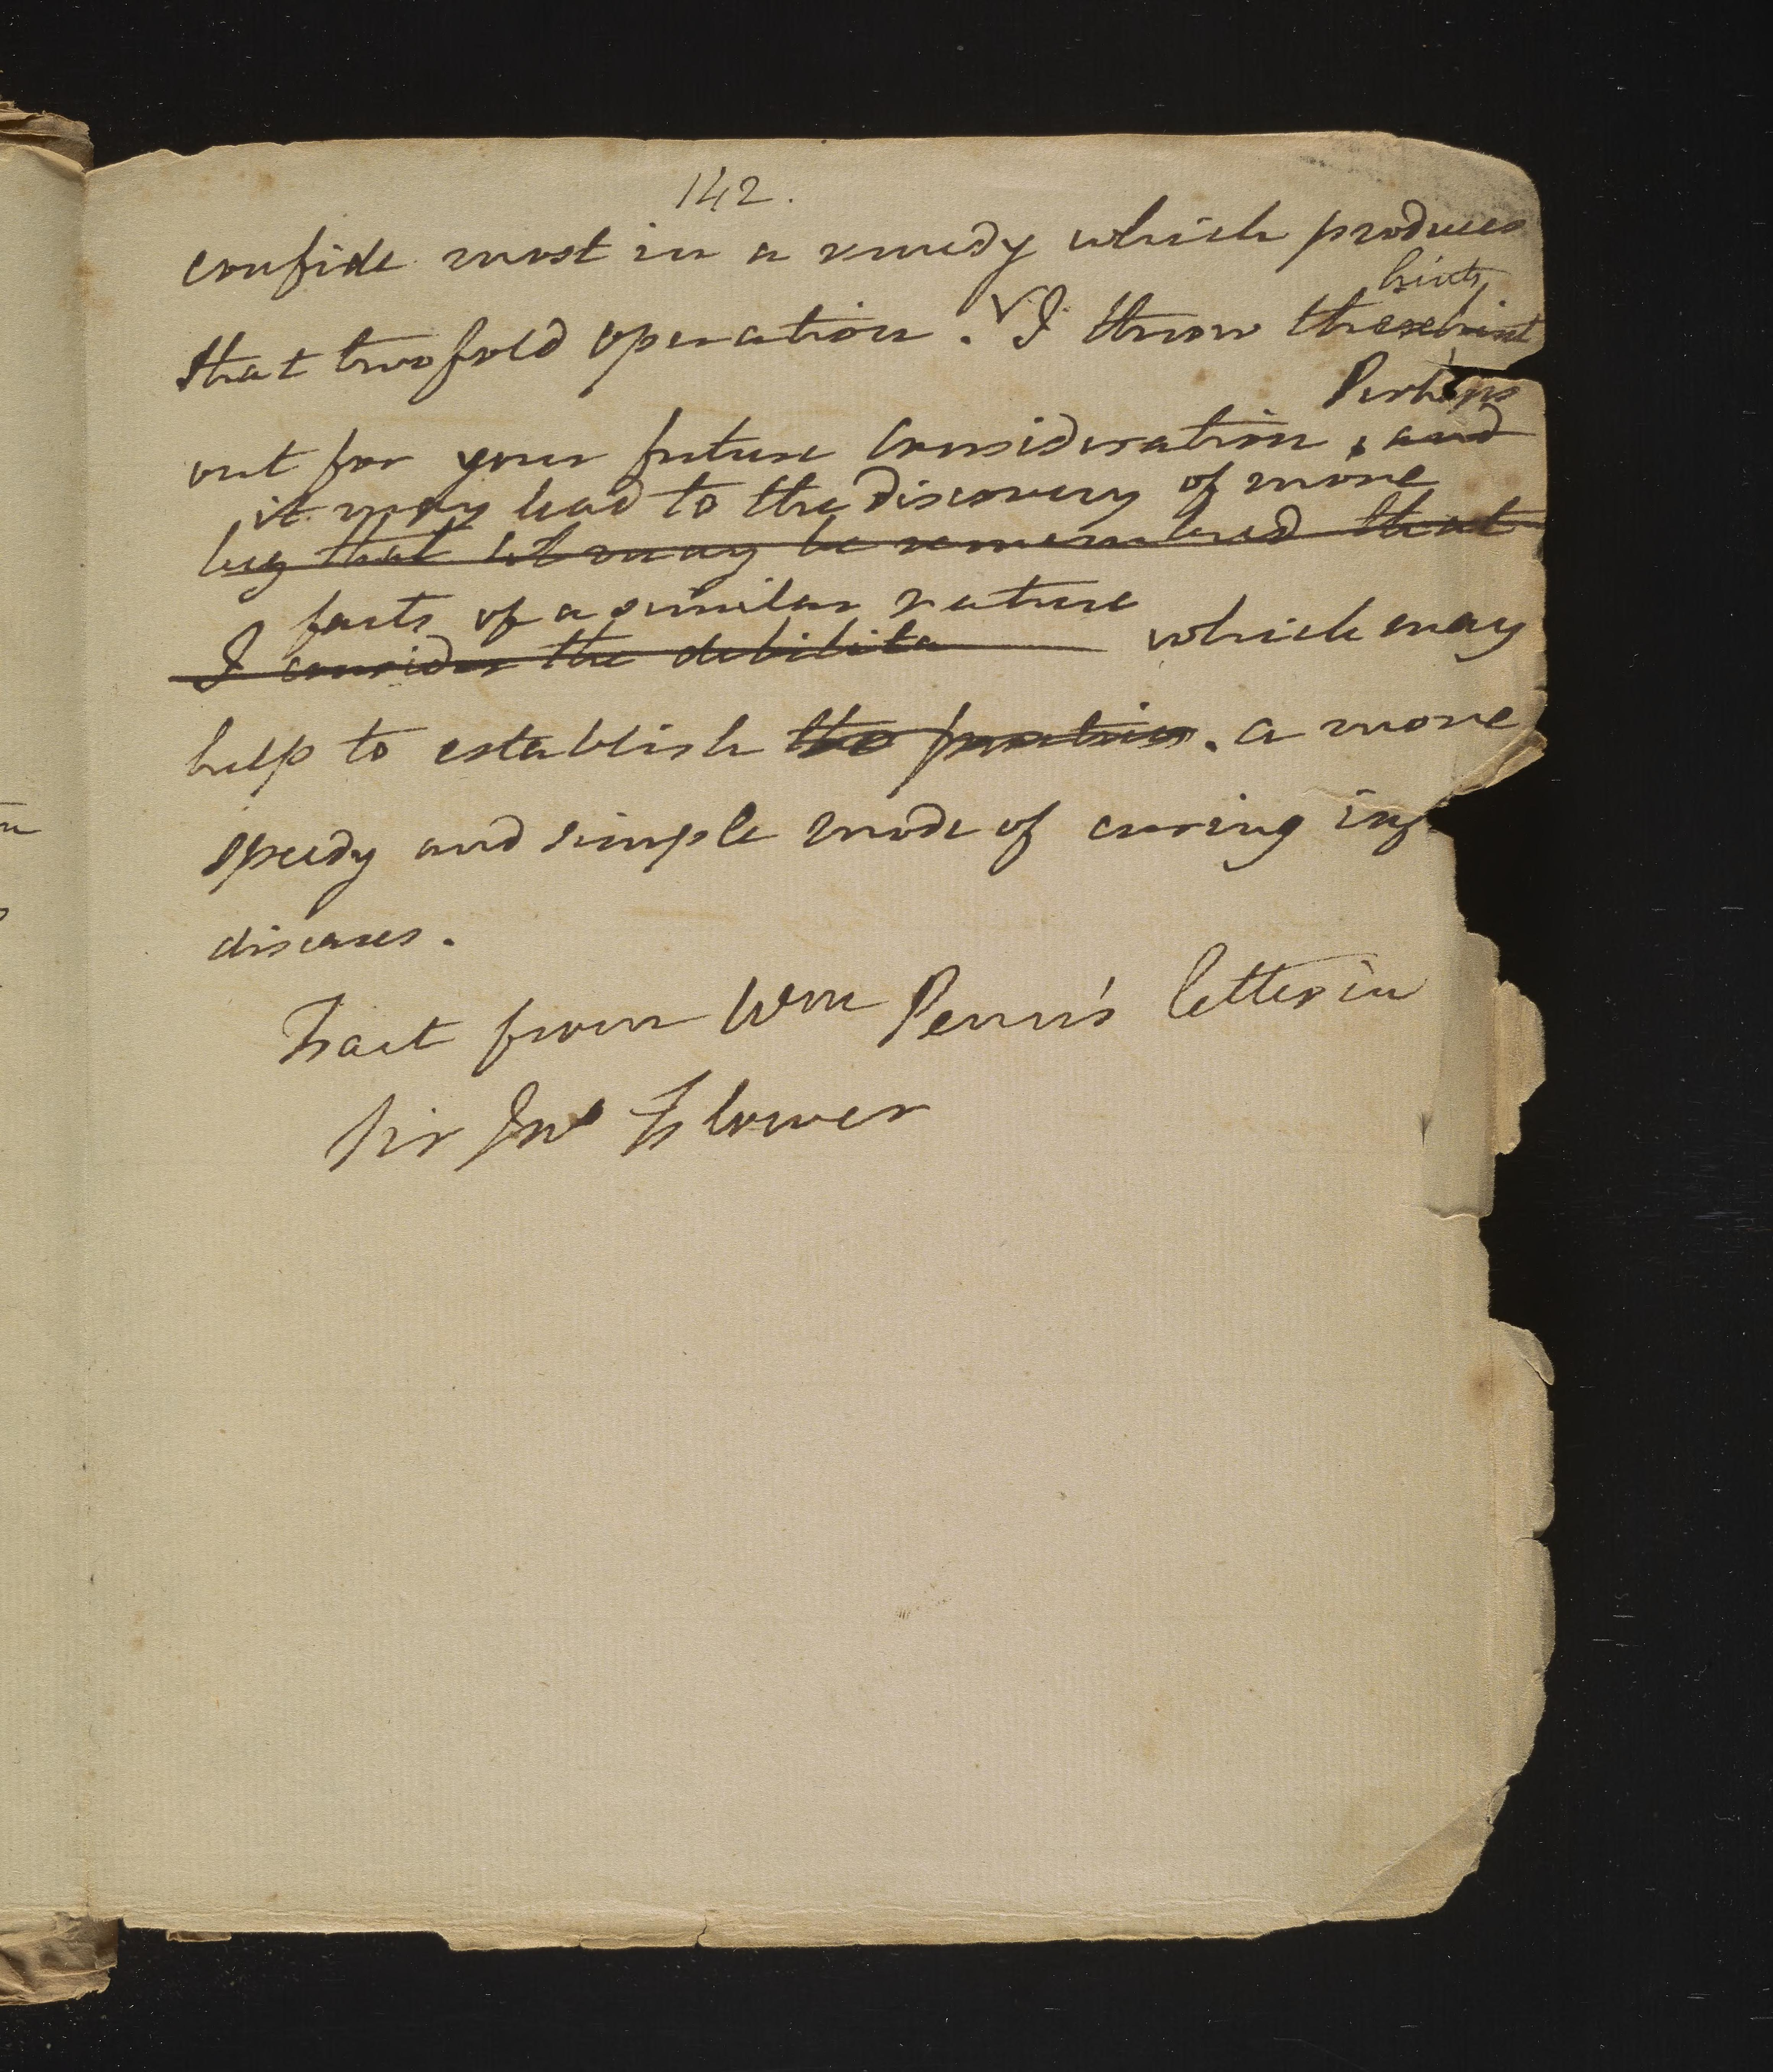142
confide most in a remedy which produces
hints
that twofold operation. V I throw [these hint]
Perhaps
out for your future consideration. [and]
it may lead to the discovery of more
facts of a similar nature
[I consider the debilita] which may
help to establish [the practice]. A more
speedy and simple mode of curing inf-
diseases.
Fact from W^m
Penn's letter in
Air In Fluver